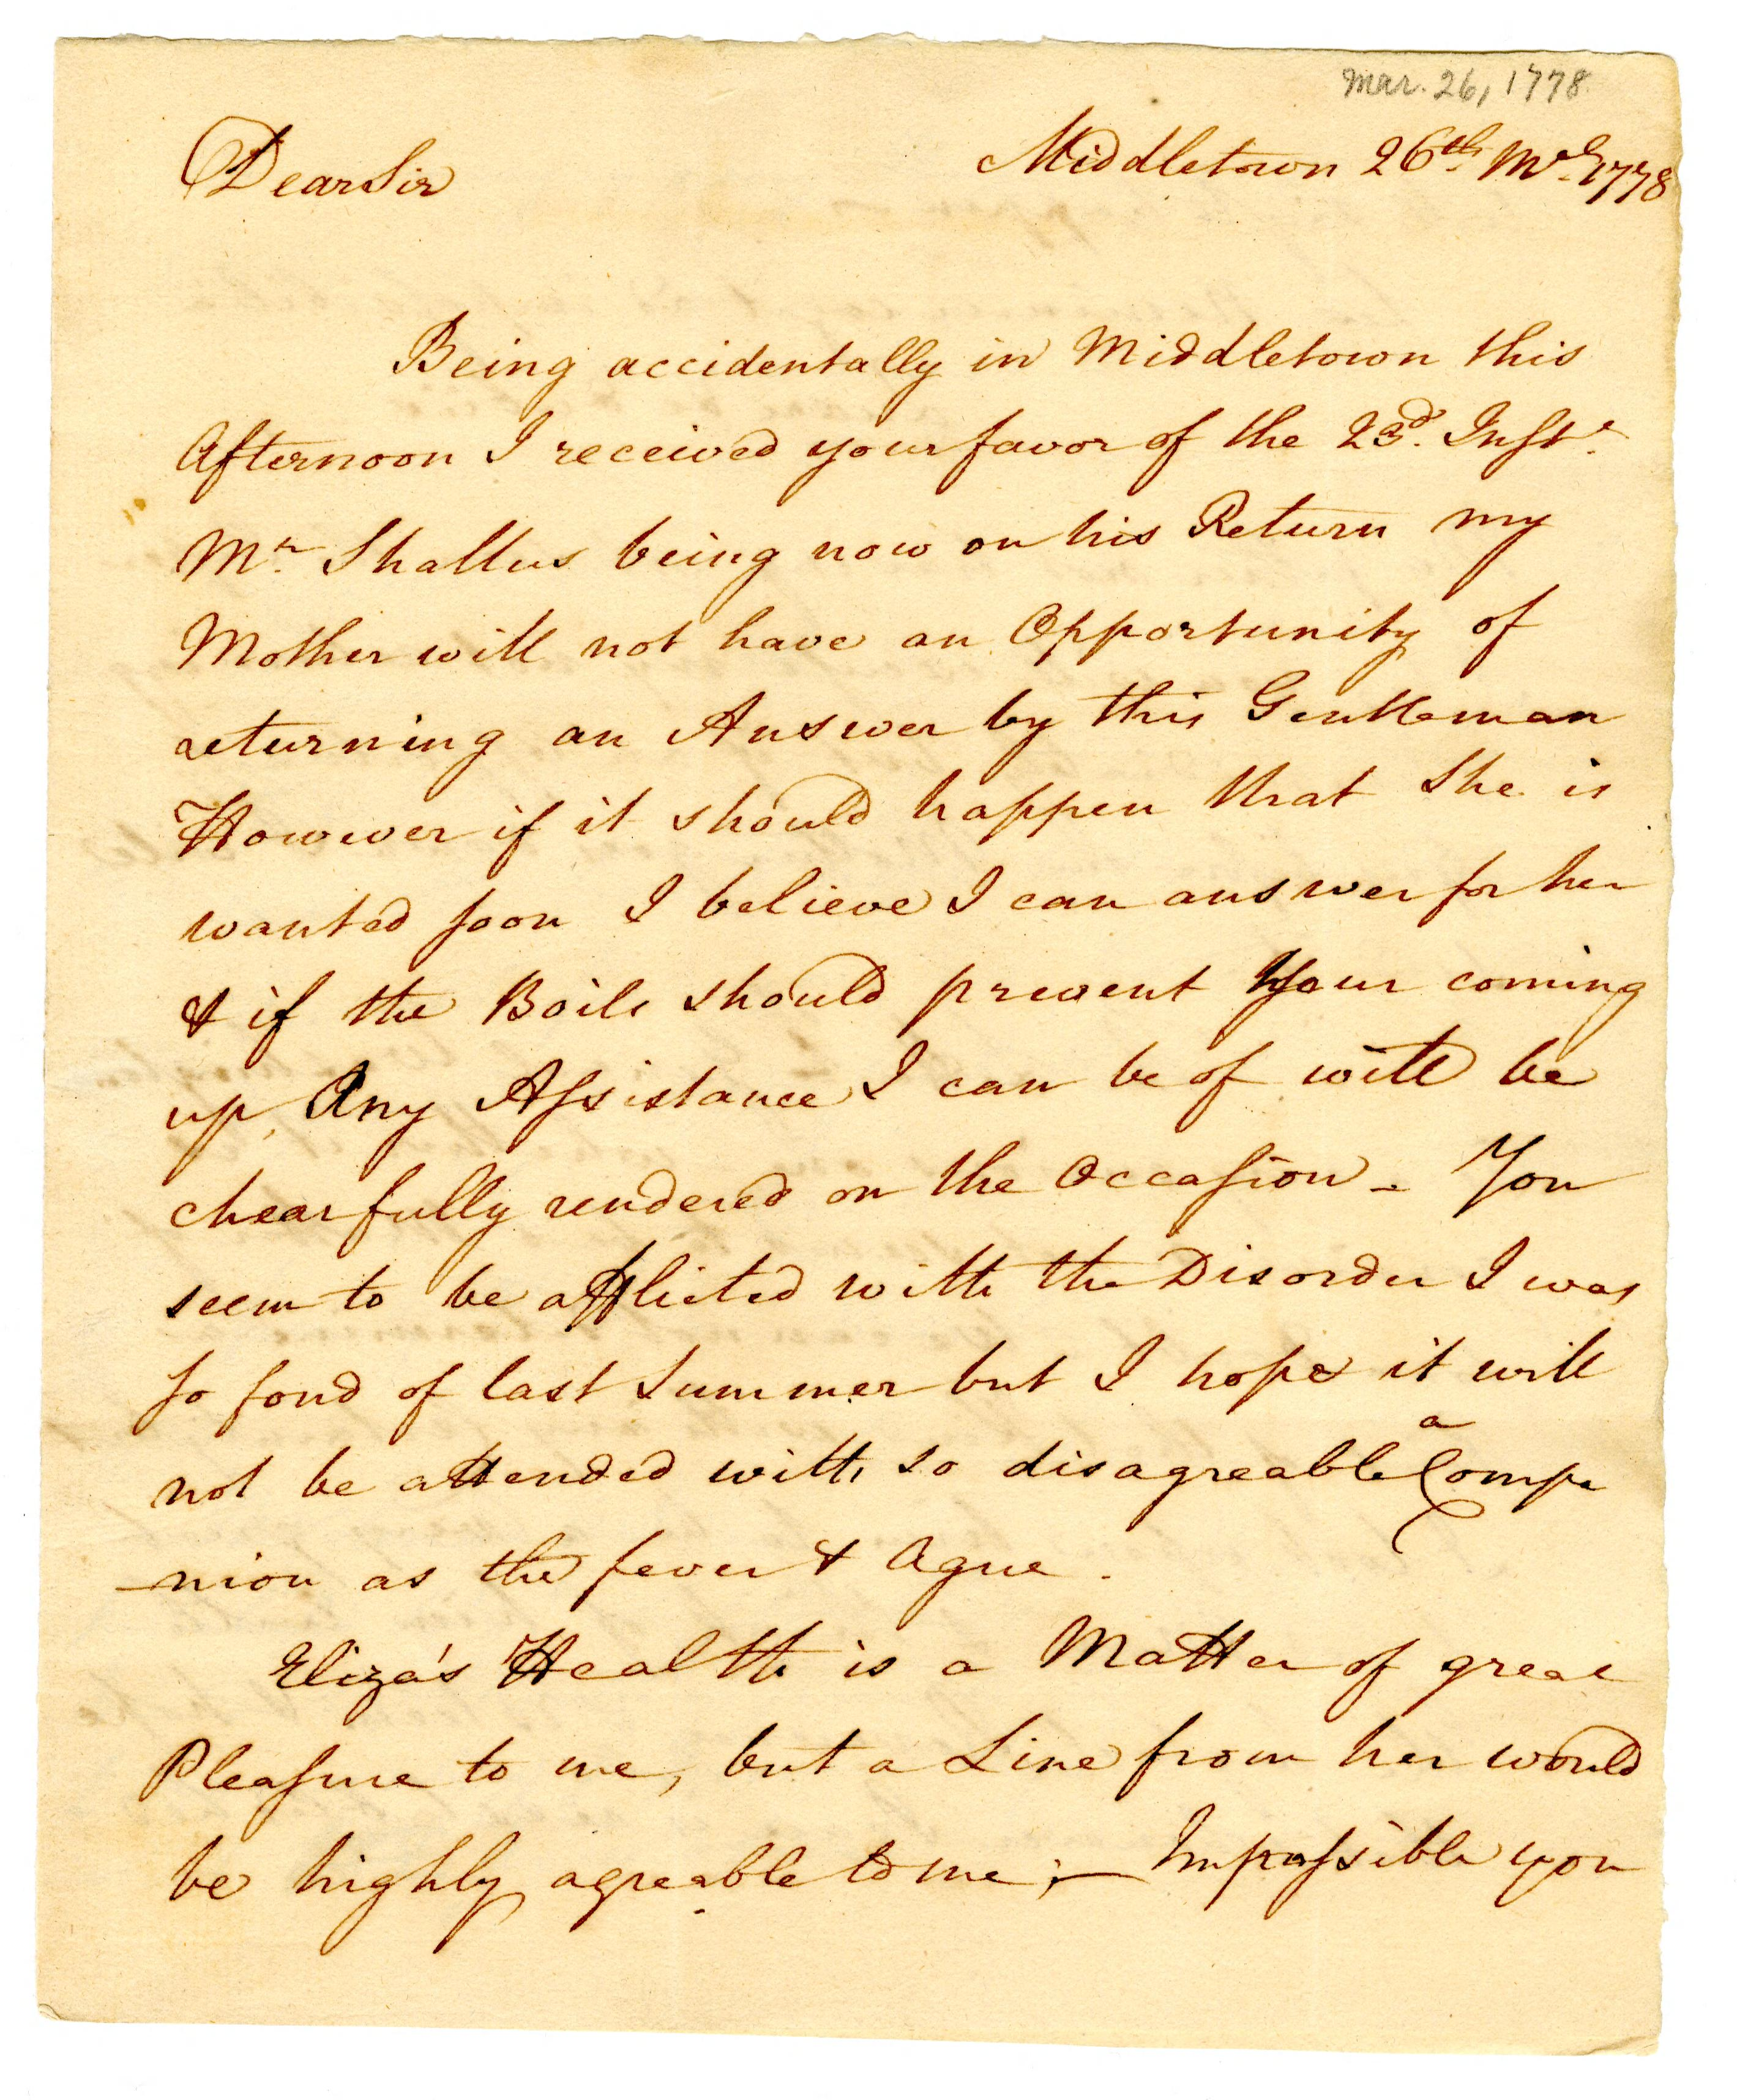Middletown 26^th. M^r. 1778
Dear Sir
Being accidentally in Middletown this
Afternoon I received your favor of the 23^d. Inst.
M^r. Shallus being now on his Return my
Mother will not have an Opportunity of
returning an Answer by this Gentleman
However if it should happen that She is
wanted soon I believe I can answer for her
& if the Boils should present Your coming
up. Any Assistance I can be of will be
chear fully rendered on Occasion. You
seem to be afflicted with the Disorder I was
to fond of last Summer but I hope it will
not be attended with so disagreable Compa-
a
-nion as the fever & Ague
Eliza's Health is a Matter of great
Pleasure to me, but a Line from her would
be highly agreable to me; Impossible you